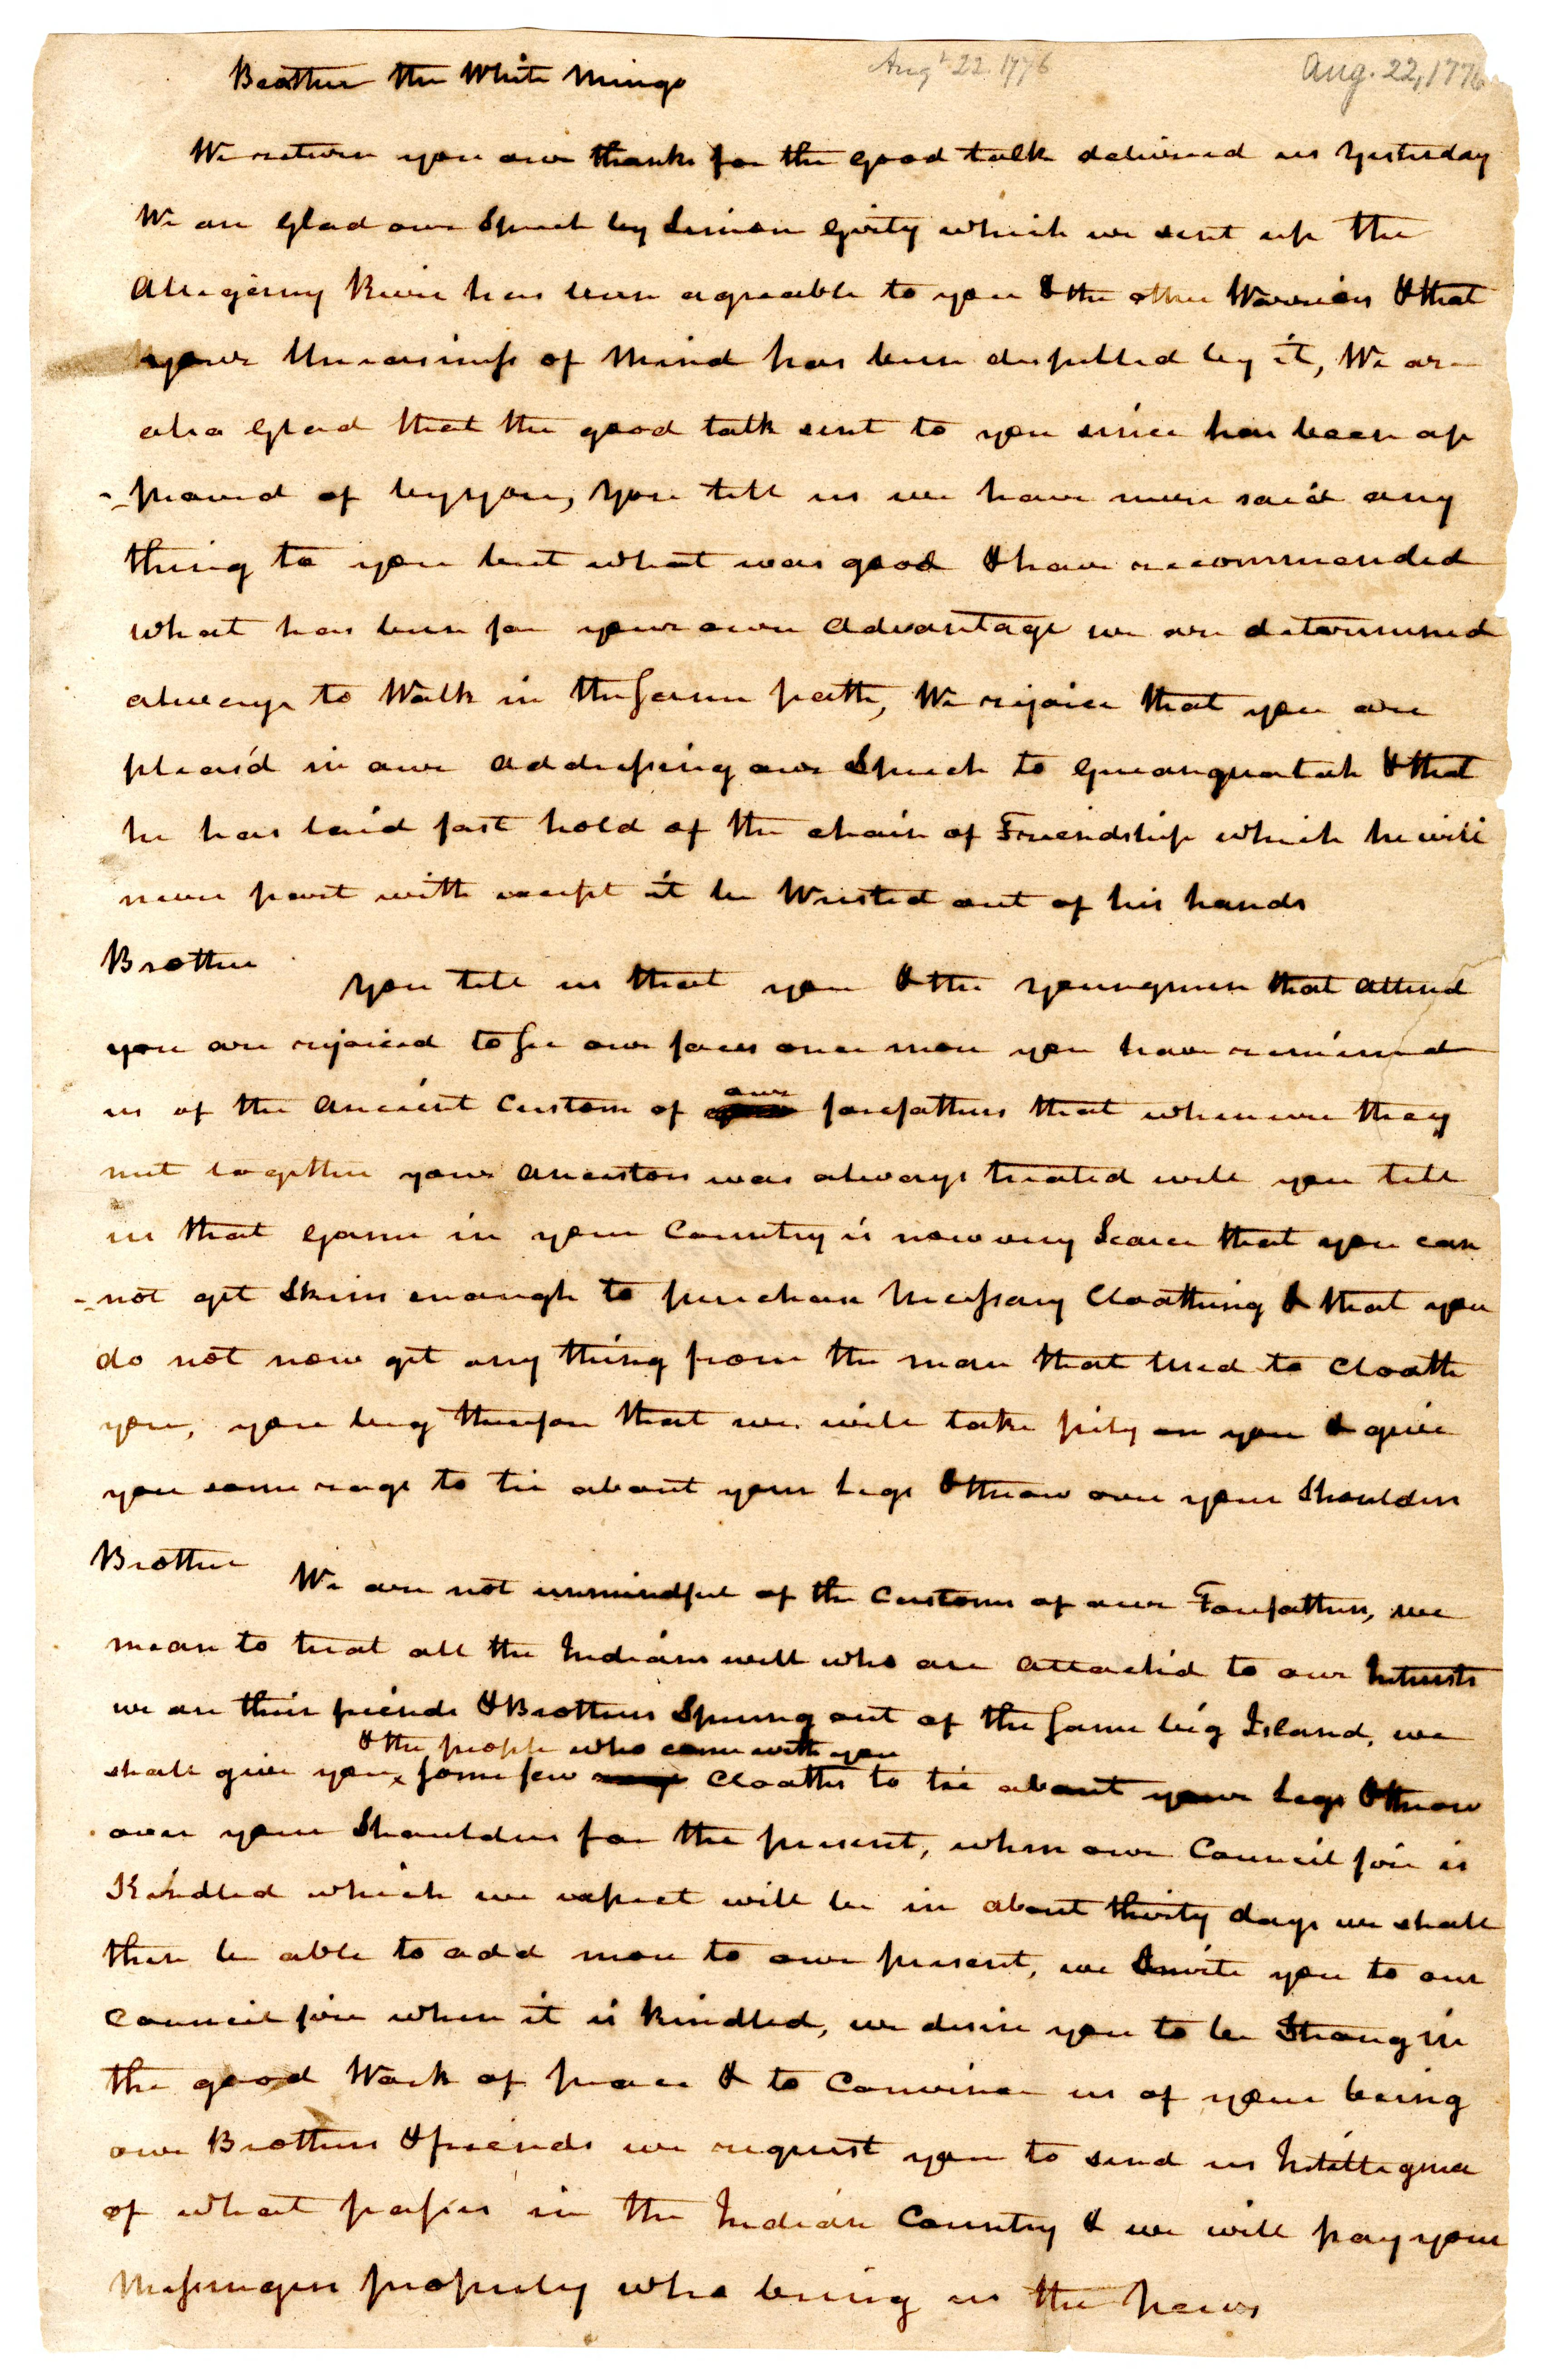Aug^t 22. 1776
Brother the White Mingo
We return you our thanks for the good talk delivered us yesterday
We are glad our speech by Simon Girty which we sent up the
Allageny River has been agreeable to you & the other Warriors & that
your Uneasiness of mind has been dispelled by it, We are
also glad that the good talk sent to you since has been ap
-proved of by you, you tell us we have never said any
thing to you but what was good & have recommended
what has been for your own Advantage we are determined
always to Walk in the Same Path, We rejoice that you are
pleas'd in our Addressing our Speech to Guanguatah & that
he has laid fast hold of the chain of Friendship which he will
never part with except it be Wrested out of his hands
Brother
you tell us that you & the young men that attend
you are rejoiced to see our faces once more you have reminded
our
us of the Ancient custom of [___] forefathers that whenever they
met together your ancestor was always treated well you tell
us that Game in your Country is now very Scarce that you can
-not yet Skin enough to purchase necessary Cloathing & that you
do not now get any thing from the man that tried to Cloath
you, you beg therefore that we will take pity on you & give
you some rags to tie about your Legs & throw over your Shoulder
Brother
We are not unmindful of the Customs of our Forefathers, we
mean to treat all the Indians well who are attach'd to our Interests
we are their friends & Brothers Sprung out of the Same big Island, we
& the people who came with you
shall give you ^ some few [rags] Cloaths to tie about your Legs & throw
over your Shoulders for the present, when our Council fire is
kindled which we expect will be in about thirty days we shall
then be able to add more to our present, we Invite you to our
Council fire when it is kindled, we desire you to be Stronger
the good Work of Peace & to Convince us of your being
our Brothers & friends we request you to send us Intelligence
of what passes in the Indian Country & we will pay your
masenger properly who bring us the News